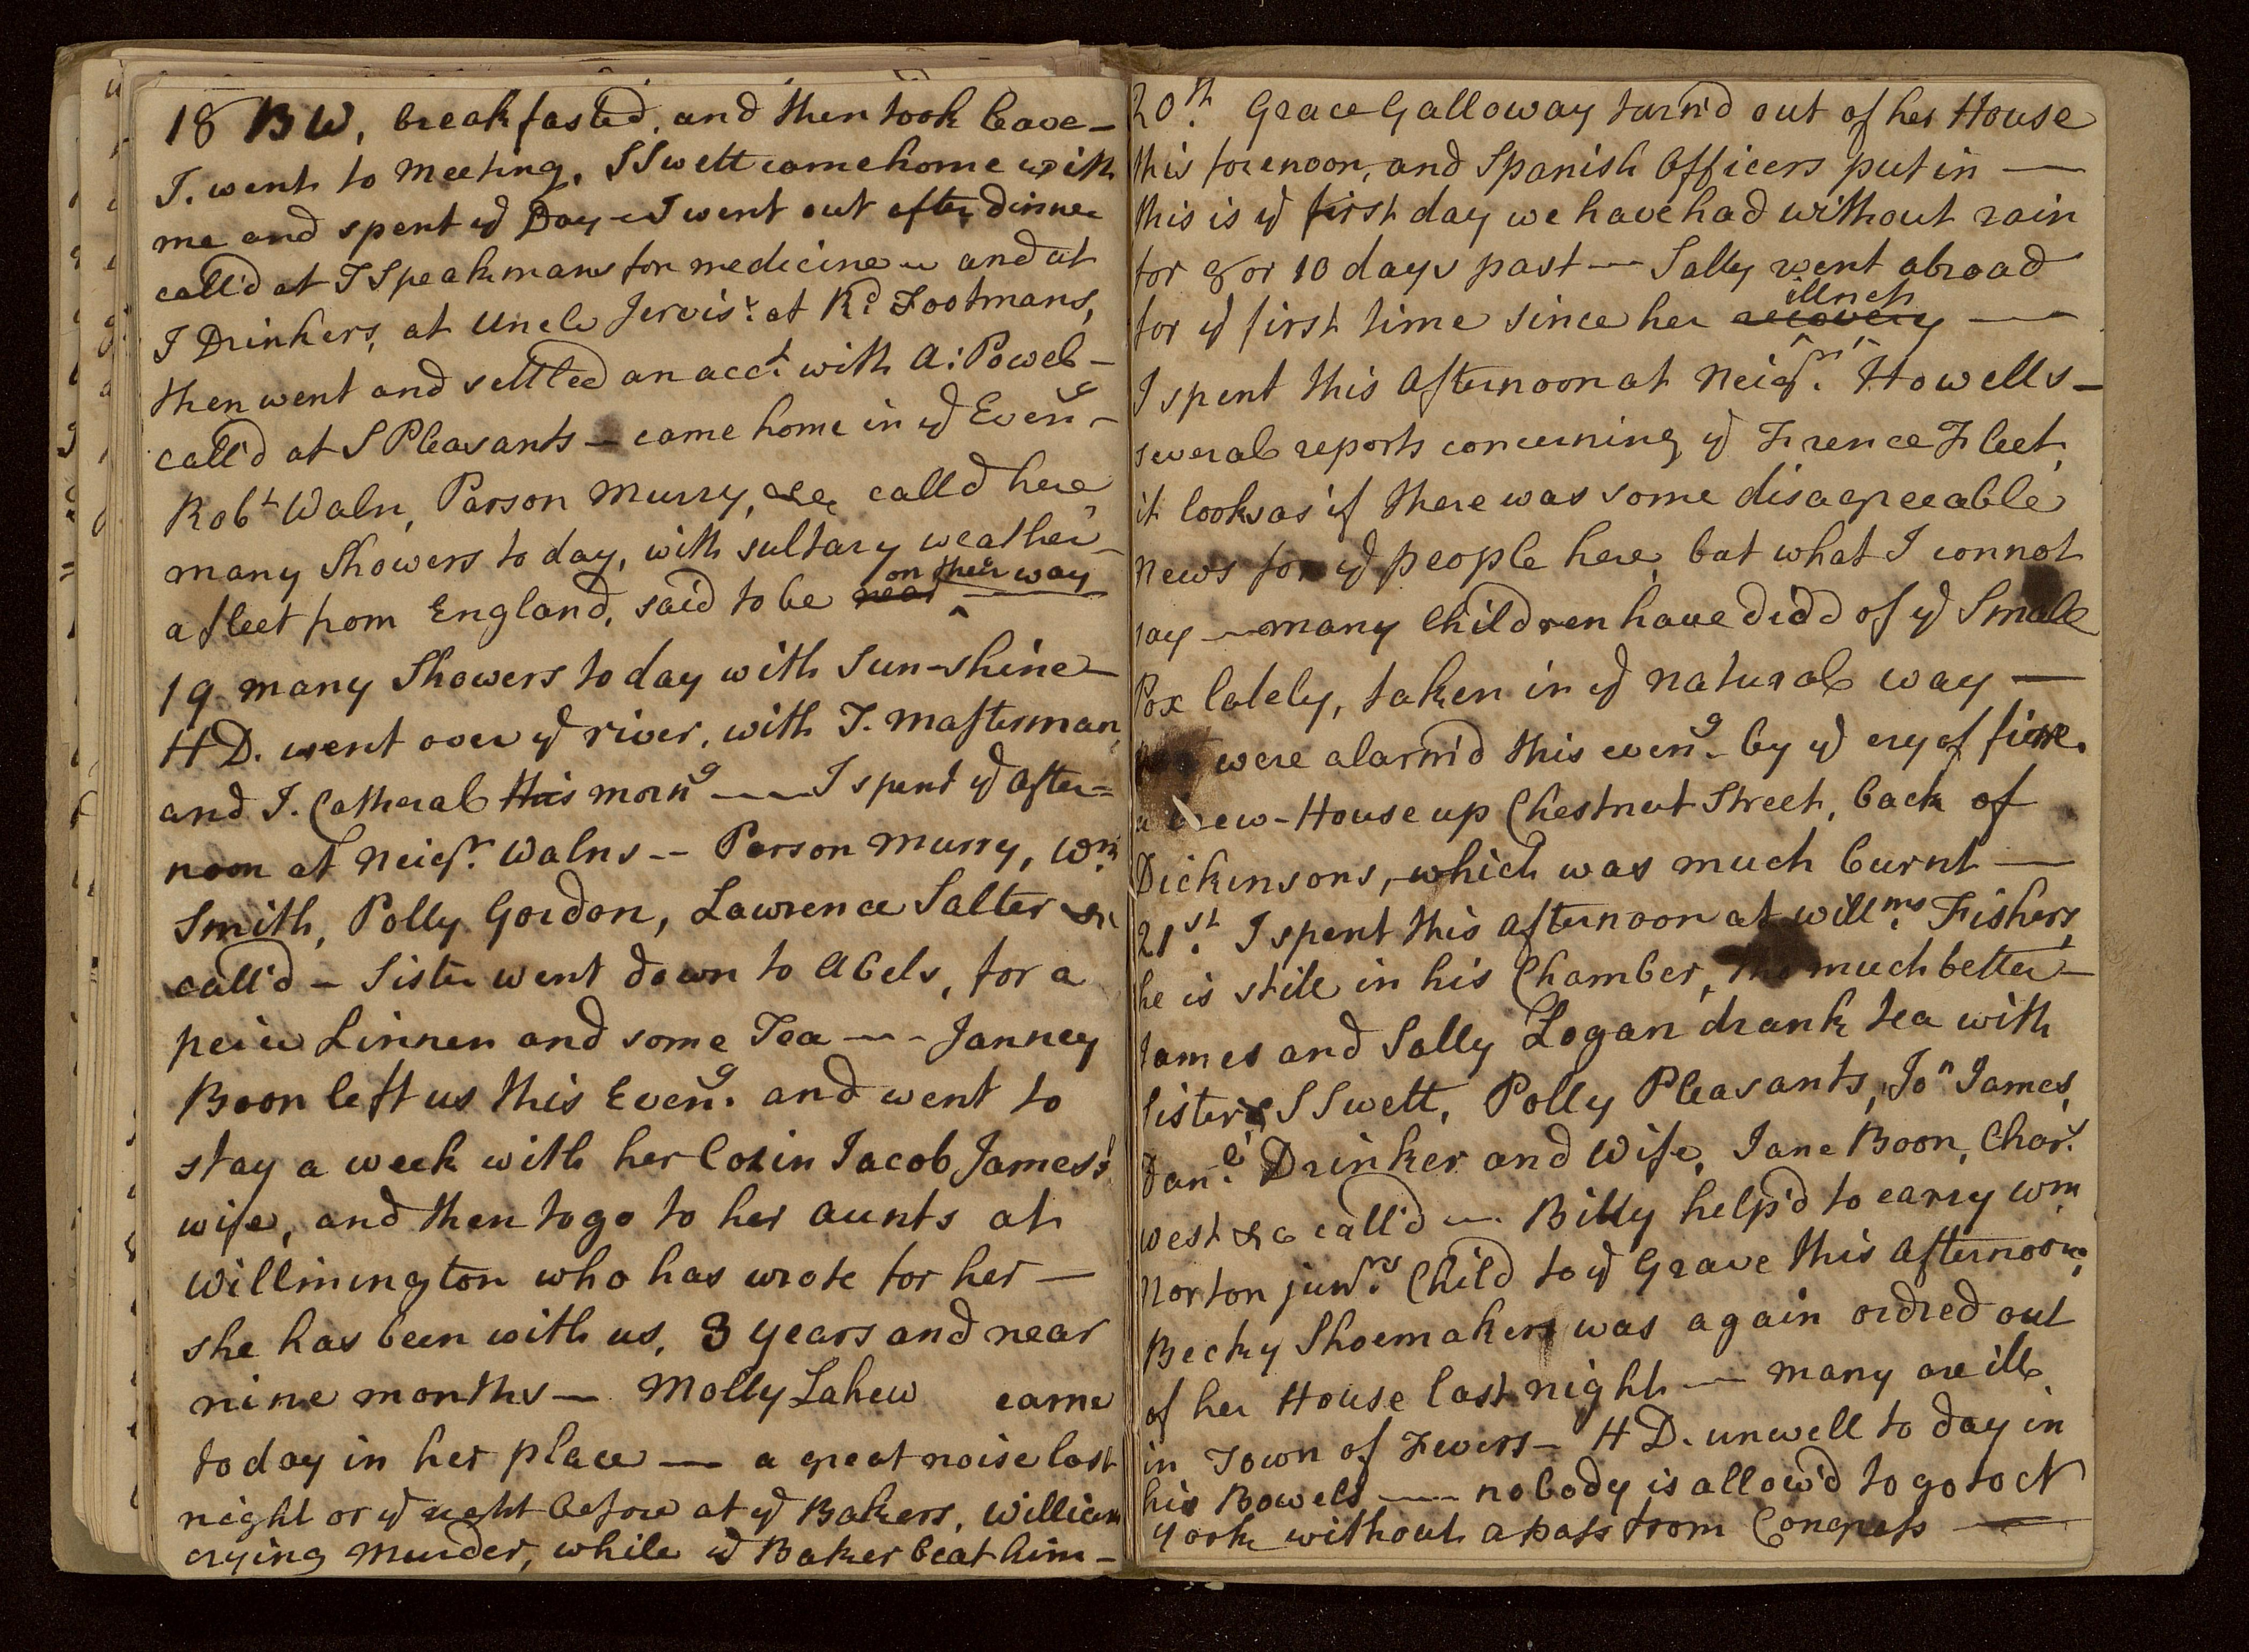18 BW, breakfasted and then took leave-
I. went to meeting. S Swett came home with
me and spent y^e Day - I went out after dinner
call'd at T Speakmans for medicine- and at
J Drinkers, at Uncle Jervis.^s at R.^d Footmans,
then went and settled an acc^t. with A: Powel-
call'd at S Pleasants- came home in y^e Even^g-
Rob^t. Waln, Parson Murry, &c calld here
many Showers to day, with sultary weather-
on their way
a fleet from England, said to be near
19 many Showers to day with sun-shine-
HD. went over y^e river, with T. Masterman
and J. Catheral this morn^g- I spent y^e after-
noon at neig^t. Walns-- Parson Murry, W.^m
Smith, Polly Gordon, Lawrence Salter &c
call'd- Sister went down to Abels, for a
peice Linnen and some Tea-- Janney
Boon left us this Even^g and went to
stay a weeh with her Cozin Jacob, James's
wife, and then to go to her aunts at
Willmington who has wrote for her-
she has been with us, 3 years and near
nine months- Molly Lahew came
to day in her place- a great noise last
night or y^e night before at y^e Bakers, William
crying murder, while y^e Baker beat him-
20^th. Grace Galloway turn'd out of her House
this forenoon, and Spanish Officers put in-
this is y^e first day we have had without rain
for 8 or 10 days past- Sally went abroad
illness
for y^e first time since her [recovery]
I spent this afternoon at Neig.^r Howells-
several reports concerning y^e Frence Fleet,
if looks as if there was some disagreeable
news for y^e people here but what I connot
say- many children have didd of y^e Small
Pox lately, taken in y^e natural way-
[__] were alarm'd this even^g- by y^e [ery] of [fire].
a [b]rew-House up Chestnut Street, back of
Dickinsons, which was much burnt-
21^st I spent this afternoon at will^ms. Fishers
he is still in his Chamber, tho much better
James and Sally Logan drank tea with
Sisters, S Swett, Polly Pleasants, Jo^n James,
Dan^l. Drinker and Wife, Jane Boon, Char.^s
west &c call'd- Billy help'd to carry W^m
Norton jun^rs Child to y^e Grave this Afternoon,
Becky Shoemakers was again ordred out
of her House East night- many are ill,
in Town of Fevers- H D- unwell to day in
his Bowels- nobody is allow'd to go to N
York without a pass from Congress